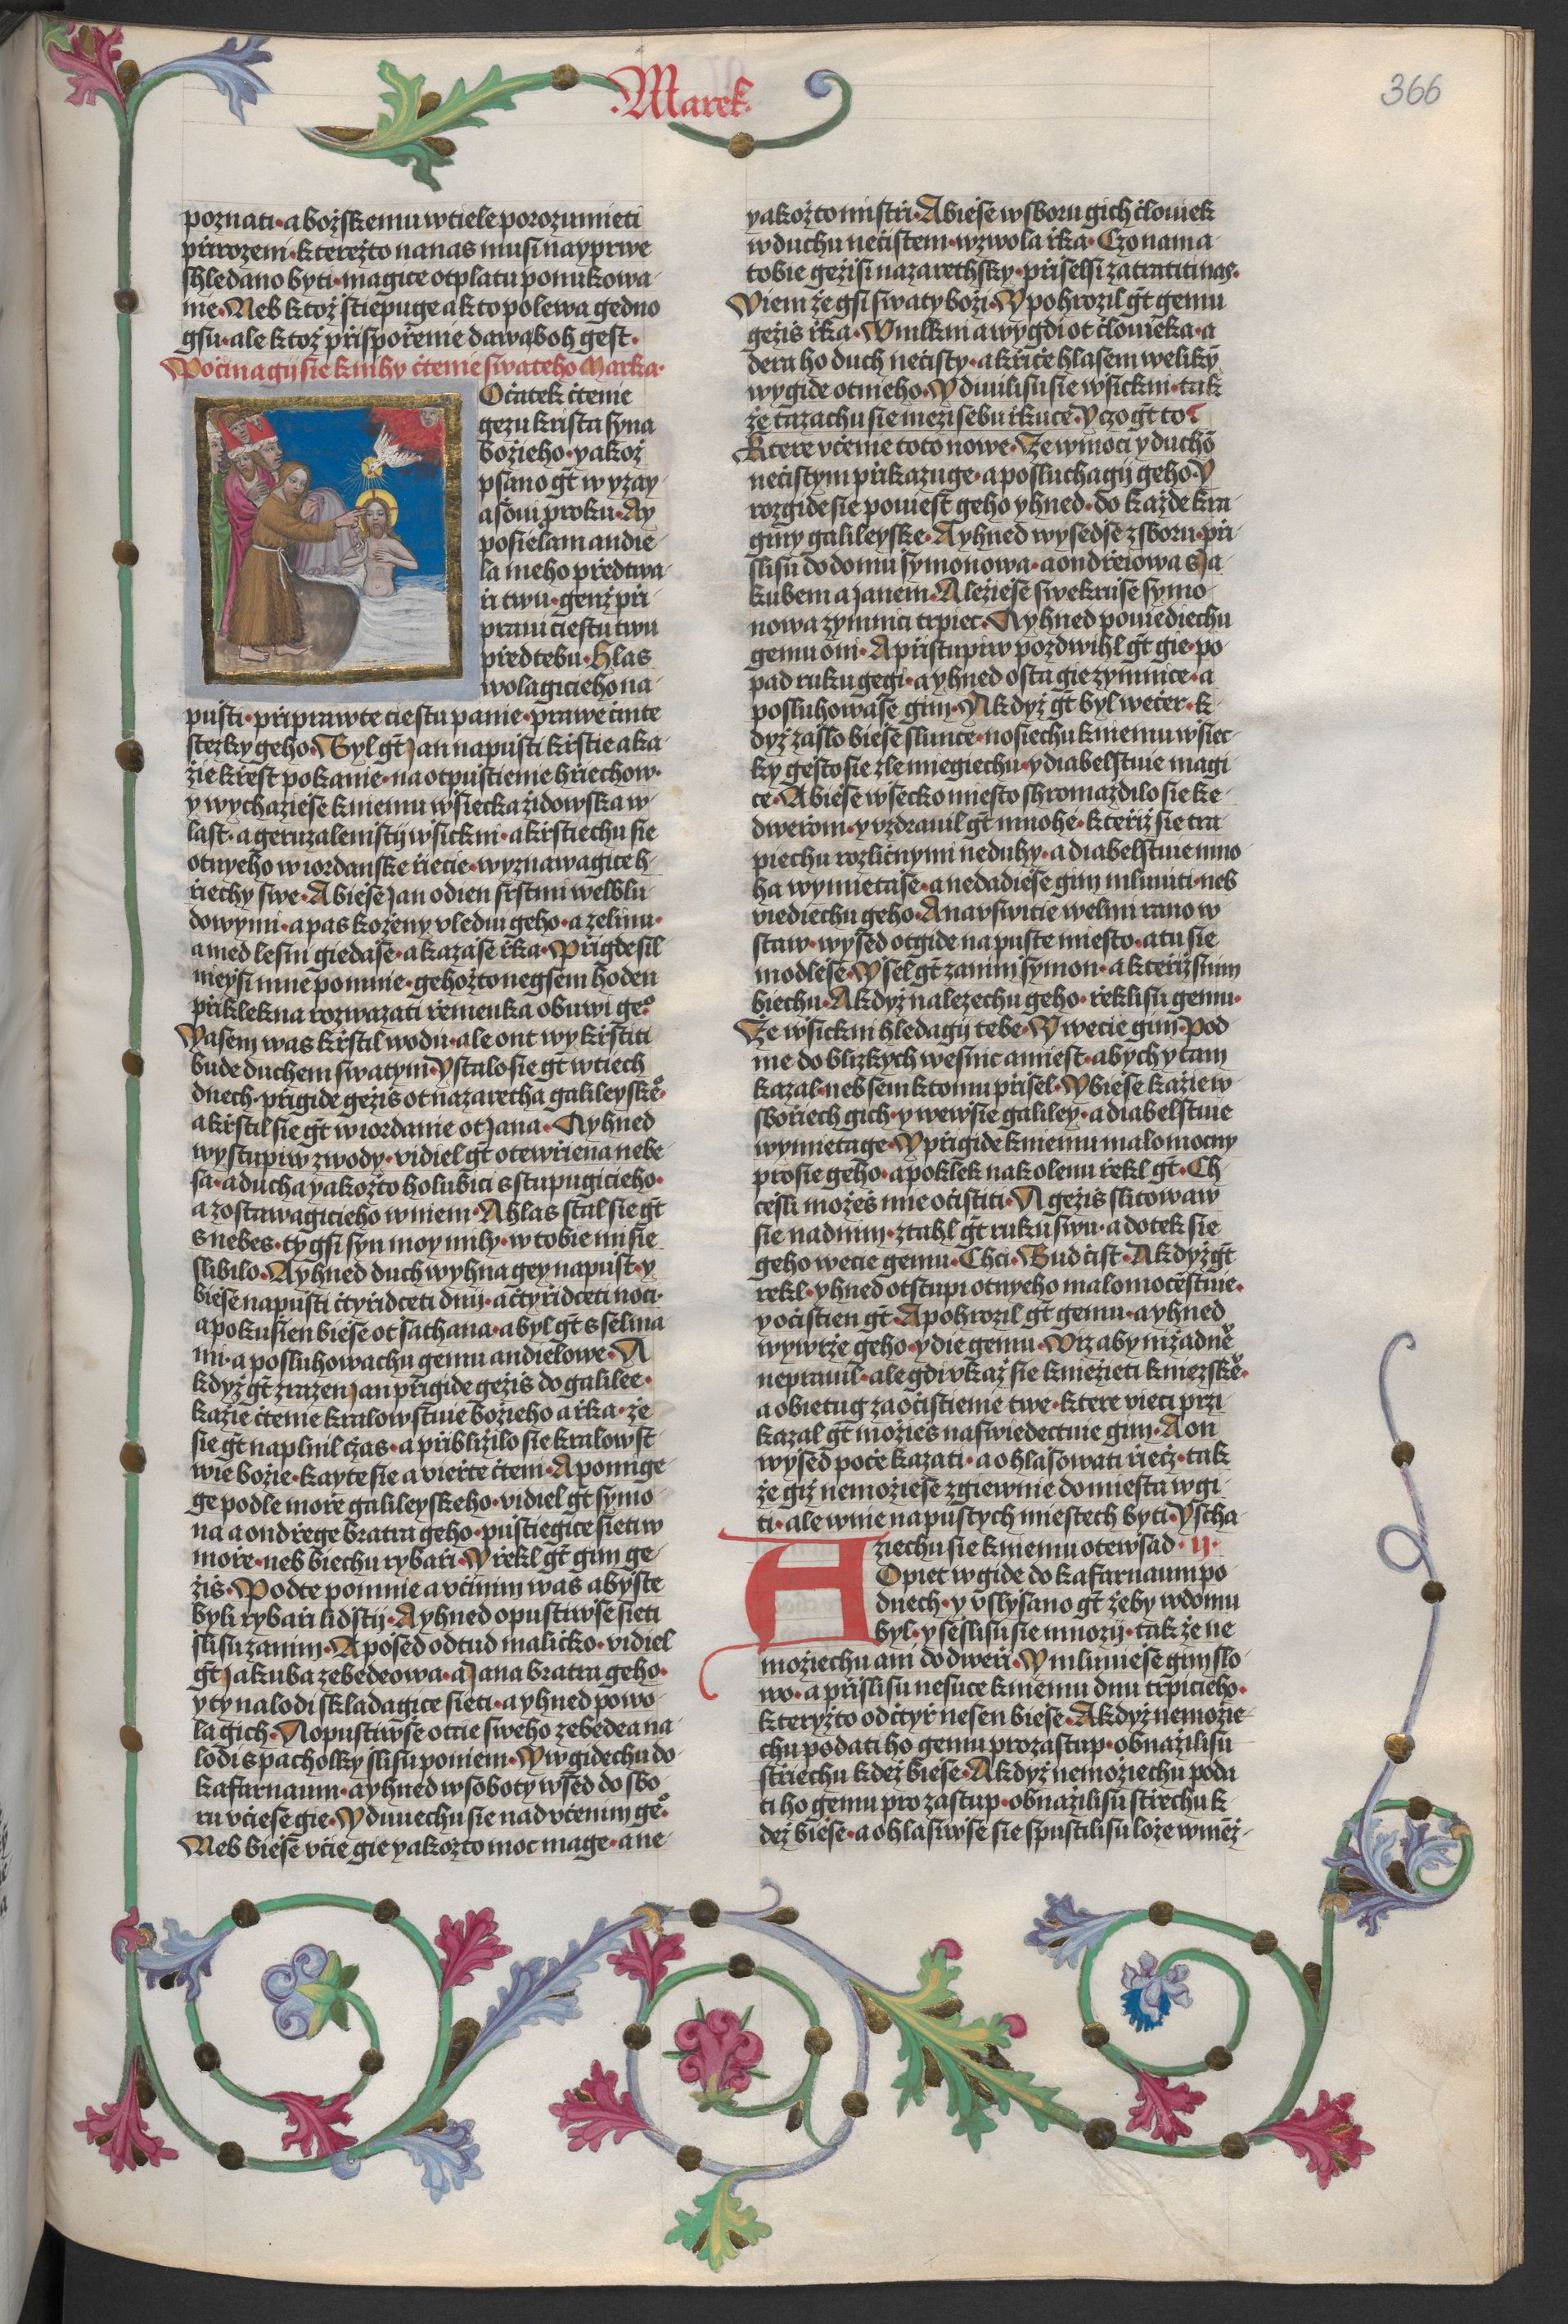poznati.bożſkemu w tiele pozozumieti
pṙirozeni.ktereżto na nas muſi nayprwe
hledano byti.magíce otplatu porukowa¬
me.Neb ktoż ẛtiepuge a kto polewa gedno
gſu.ale ktoż pṙiſpoṙenie dawa boh geſt.
Poċinagij ſie knihy ċtenie
ſwateho Marka.
Poċatek ċteme
gezu kriſta ſyna
bożíeho.yakoż
pſano ḡt w yzay¬
a ẛowi ꝓroku.Ay
poſielam andie¬
la meho pṙed twa¬
ṙi twu.genż pṙi¬
pravi ceſtu twu
pṙed tebu.Hlas
wolagicíeho na¬
puẛti.pṙiprawte cieſtu panie.prawe ċinte
ſtezky geho.ſyl ḡt Ian na puẛti kṙſtie a ka¬
żie kṙeſt pokanie.na otpuẛtiene hṙíechow.
y wychazieẛe k niemu wẛiecka żidowſka w¬
laſt.a geruzalemẛtí wẛickni.a kṙſtíechu ſie
ot nyeho w iordarſke ṙiecíe.wyznawagíce h¬
ṙieċhy ſwe. A bíeẛe Ian odien ſrſtmi welbu¬
dowymi.a pas kożeny v ledví geho.a zelinu.
a med leſni gíedaẛe.a kazaẛe ṙka.Pṙigde ſil¬
nieyẛí mne po mne.gehożto negſem hoden
pṙiklekna rozwazati ṙemenka obuwi geo
Ya ſem was kṙſtil wodu.ale ont wy kṙẛtiti
bude duchem ſwatym.Y ſtalo ſie ḡt w tiech
díech.pṙigíde geżíṡ ot nazaretha galileyſkeo
a křſtil ſe ḡt wiordanie ot Iana. Ayhned
vyẛtupiw z wody. vidiel ḡt otewṙiena nebe¬
ſa.a ducha yakožto holubici sſtupugicieho.
a zoſtawagicíeho w niem. A hlas ſtal ſe ḡt
s nebes.ty gſi ſyn moy mily.wtobie mi ſie
ſlibulo.Ay hned duch wyhna gey napuẛt y
bieẛe napuẛti ċtyṙidceti dnu.a ċtyṙidceti noci.
a pokuẛíen bíeẛe ot ẛathana.a byl ḡt sſelma
mi.a poſluhowachu gemu andielowe. A
kdyż ḡt zrazen pṙigide geżiṡ do galilee.
każie čtenie kralowſtwie bożieho a ṙka.że
ſe ḡt naplnil ċas.a pṙibližilo ſie kralowſt¬
wíe bożie.kayte ſie a vieṙte ċtení.A pomige¬
ge podle moṙe glileyſkeho.vidiel ḡt ſymo¬
na a ondṙege bratra geho.puẛtiegíce ſieti w
moṙe neb bíechu rybaṙi.Y ṙekl ḡt gím ge¬
żiṡ.Podte po mnie a vċinim was abyẛte
byli rybaṙi lidẛti .A yhned opuſtiwẛe ſieti
ẛliſu za nim. A poẛed odtud maliċko.vidiel
ḡt Iakuba zebedeowa.a Iana bratra geho.
y ty na lodi ſkladagíce ſíeti.a yhned powo¬
la gich.A opuſtiwẛe otcie ſweho zebedea na¬
lodi s pachoſky ẛli ſu po niem.Y wgídechu do¬
kafanaum.a yhned w ſoboty wſed do ſbo¬
ru vċieſe gie.Y diuiechu ſe nad vċenim geo
Neb bíeẛe vċie gie yakożto moc mage.ane¬
yakożto miſtṙi. A bíeẛe w ſbozu gich ċloviek
wduchu neċiſtem wzwola ṙka.Czo nam a
tobie geżiẛi nazarethſky.pṙiẛelſi zatratiti nas.
Víem że gſi ſwaty bożí.Y pohrozil ḡt gemu
geżíṡ ṙka.Vmlkni a wygdi ot ċlowieka.a
dera ho duch neċiſty.a kriče hlaſem welikȳ
wygide otieho.Y diuli ſu ſie wẛickni.tak
że tazachu ſie mezí ſebu ṙkúce. czo ḡt to¬
Ktere vċenie toto nowe.Ze w moci y duchō
neċiſtym pṙikazuge.a poſluchagí geho.Y
rozgíde ſie powieſt geho yhned.do każde kra¬
giny galileyſke.A yhned wyſedẛe zſboru.pṙi¬
ſliſu do domu ẛymonowa.a ondṙeiowa s Ia¬
kubem a Ianem.A leżíeẛe ſwekruẛe ſymo¬
nowa zimnici trpiec. A yhned povediechu
gemu o ni.A pṙiſtupiv pozdwihl ḡt gie.po¬
pad ruku gegi.a yhned oſta gie zymnice.a
poſluhowaẛe gim.A kdyż ḡt byl weċer.k¬
dyž zaẛlo bíeẛe ſlunce.noſiechu knemú wẛiec¬
ky geẛto ſie zle miegíechu.y diabelſtuíe magí¬
ce.A bíeẛe wẛecko mieſto ſhromażdilo ſie ke¬
dweṙom y vzdrauil ḡt mnohé.kteṙíż ſie tra¬
píechu rozliċnými neduhy.a diabelſtuíe mno¬
ha wymetaẛe.a nedadíeẛe gim mluviti neb
medíechu geho.A na vſwitie velmi rano w¬
ſtaro.wyẛed otgíde na puſte mieſto.atu ſie
modléẛe.Y ẛel ḡt zanim ẛymon a kteṙiż ſním
bíechu.A kdyż nalezechu geho.ṙekliſu gemu.
Że wẛickni hledagij tebe.Y wecie gím.Pod¬
mé do blizkych weſnic a mieſta.abych y tam
kažalni neb sem k tomu pṙiẛel.Y bíeẛe każiew
ſboṙíech gich.y wewẛie galiley.a diabelſtuie
wymíetage.Ypṙigide k nemu malomocny
proſie geho.a poklek nakolenu ṙekl ḡt Ch¬
ceẛli możeṡ mie oċiſtiti.A geżíṡ ſlitowaw
ſie nad nim.ztahl ḡt ruka ſwu.a dotek ſie
geho wecie gemu.Chci.Bud ċiſt.A když ḡt
rekl.yhned otſtupí ot neho málonotéſtníe.
y oċiſtien ḡt Apohrozil ḡt gemu.a yhned
wywrże geho y die gemu.Viz aby niżadnev
nepravil.ale gdi ukaż ſie kníeżieti kniezſkev.
a obietug za oċiſtienie twé.ktere wiecz przi¬
kazal ḡt możieṡ na ſwiedectuíe gim.A on¬
wyẛed poċe kazati.a ohlaẛowati ṙiecż.tak
że giż nemożieẛe zgiewnie do mieſta wgi¬
ti.ale wnie na puſtych mieſtech byti.Yſcha¬
zíechu ſie kniemu otewẛad. ij.
Opiet wgide do kafarnaum po¬
dnech.y vſlyẛano ḡt żeby wdomu
byl.yſeẛliſú ſie mnozij.tak że ne¬
możíechu ani do dweṙi.Y mluvieẛe gim ſlo¬
wo.a pṙiẛli ſu neſuce kníemu dnu trpícíeho.
kteryżto od ċtyṙ neſen bíeẛe A kdyż nemożie¬
chu podati ho gemu prozaſtup.obnażiliſu
ſtṙíechu kdeż bíeẛe.A kdyż nemożiechu poda¬
ti ho gemu pro zaſtup.obnażiliſi ſtṙechu k¬
deż bieẛe.a ohlaſiwẛe ſie ſpuſtilu ſu loże wniēż